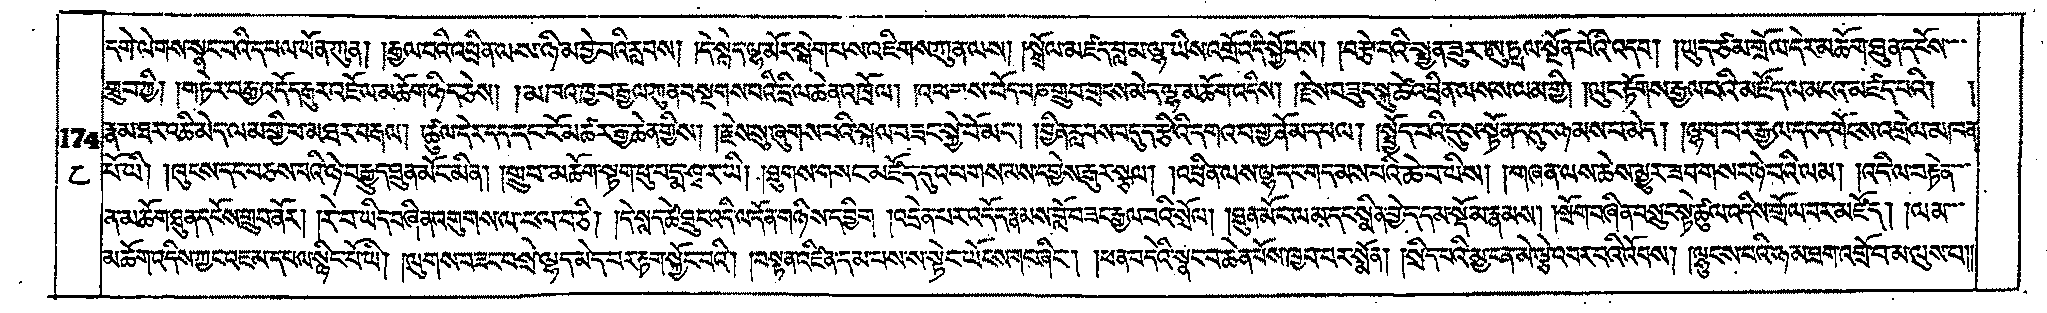དགེ་ལེགས་སྣང་བའི་དཔལ་ཡོན་ཀུན། །རྒྱལ་བའི་འཕྲིན་ལས་ཉི་མ་བྱེ་བའི་རླབས། །དེ་སྙེད་ལྷ་མོར་སྒེག་པས་འཇིགས་ཀུན་ལས། །སྒྲོལ་མཛད་བླ་མ་ལྷ་ཡིས་འགྲོ་འདི་སྐྱོབས། །བརྩེ་བའི་སྤྱན་ཟུར་ཨུཏྤལ་སྔོན་པོའི་འདབ། །ཡུད་ཙམ་གྲོལ་དེར་མཆོག་ཐུན་དངོས་་་
གྲུབ་ཀྱི། །གཏེར་བརྒྱ་འདོད་རྒུར་འཇོ་ལ་མཆོག་ཉིད་ཅེས། །མཁའ་ཁྱབ་རྒྱལ་ཀུན་བསྔགས་པའི་དྲིལ་ཆེན་འཁྲོལ། །འཕགས་བོད་པཎ་གྲུབ་གྲངས་མེད་ལྷ་མཆོག་འདིས། །རྗེས་བཟུང་སྐུ་ཚེ་འཕྲིན་ལས་ས་ལམ་གྱི། །ལུང་རྟོགས་རྒྱལ་བའི་མཛོད་ལ་མངའ་མཛད་པའི། །
རྣམ་ཐར་འཆི་མེད་ལམ་གྱི་ཕ་མཐར་བརྒལ། །ཚུལ་དེར་དད་དང་ངོ་མཚར་རྒྱ་ཆེན་གྱིས། །རྗེས་སུ་ཞུགས་པའི་སྐལ་བཟང་སྐྱེ་བོ་མང་། །བྱིན་རླབས་བདུད་རྩིའི་དགའ་བ་གྱ་ནོམ་དཔལ། །སྤྱོད་པའི་དུས་སྟོན་ད་དུང་ཉམས་པ་མེད། །ལྷག་པར་རྒྱལ་དང་དགོངས་འགྲེལ་མཁན་
པོ་ཡི། །ཁུངས་དང་བཅས་པའི་ཉེ་བརྒྱུད་ཐུན་མོང་མིན། །གྲུབ་མཆོག་སྟག་ཕུ་པདམ་ཤྭ་ར་ཡི། །ཐུགས་གསང་མཛོད་དུ་འཕགས་མས་དགྱེས་རྒྱུར་སྩལ། །འཕྲིན་ལས་ལྷ་དང་གདམས་པའི་ཆེ་བ་ཡིས། །གཞན་ལས་ཆེས་མྱུར་ཟབ་གསང་ཉེ་བའི་ལམ། །འདི་ལ་བརྟེན་་་
ན་མཆོག་ཐུན་དངོས་གྲུབ་ནོར། །རེ་བ་ཡིད་བཞིན་འགུགས་ལ་ངལ་བ་ཅི། །དེ་སླད་ཚེ་ཐུང་འདི་ལ་དོན་གཉིས་དབྱིག །འདྲེན་པར་འདོད་རྣམས་བློ་བཟང་རྒྱལ་བའི་སྲོལ། །ཐུན་མོང་ལམ་དང་སྨིན་བྱེད་དམ་སྡོམ་རྣམས། །སྲོག་བཞིན་བསྲུང་སྟེ་ཚུལ་འདིས་གྲོལ་བར་མཛོད། །ལམ་་་
མཆོག་འདིས་ཀྱང་འཇམ་དཔལ་སྙིང་པོ་ཡི། །ལུགས་བཟང་བསྲེ་ལྷད་མེད་པར་རྟག་སྐྱོང་བའི། །བསྟན་འཛིན་དམ་པས་ས་སྟེང་ཡོངས་གང་ཞིང་། །ཕན་བདེའི་སྣང་བ་ཆེན་པོས་ཁྱབ་པར་སྨོན། །སྲིད་པའི་མྱ་ངན་མེ་ལྕེ་འབར་བའི་འོབས། །ལྷུངས་པའི་ཉམ་ཐག་འགྲོ་བ་མ་ལུས་པ།།